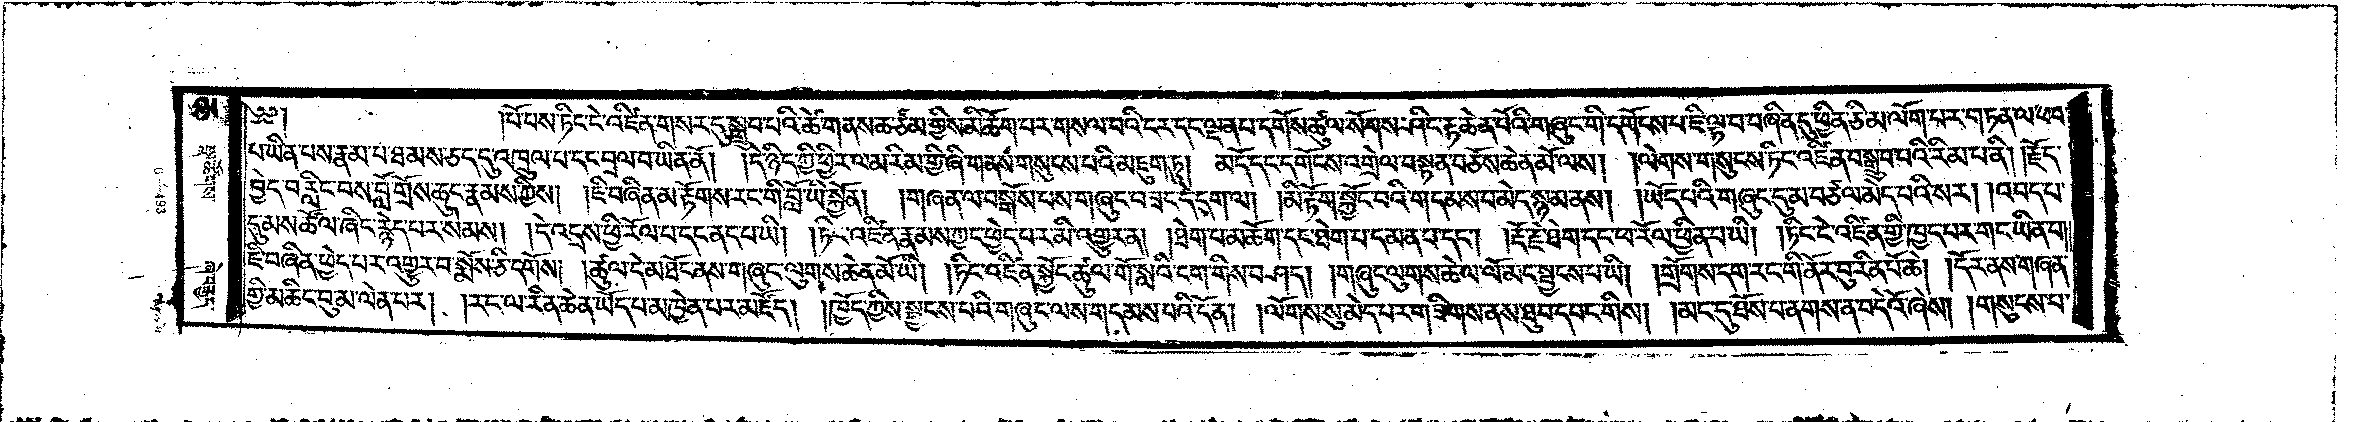༄༅། །པོ་པས་ཏིང་ངེ་འཛིན་གསར་དུ་སྒྲུབ་པའི་ཚེ་གནས་ཆ་ཙམ་གྱིས་མི་ཆོག་པར་གསལ་བའི་ངར་དང་ལྡན་པ་དགོས་ཚུལ་སོགས་ཤིང་རྟ་ཆེན་པོའི་གཞུང་གི་དགོངས་པ་ཇི་ལྟ་བ་བཞིན་དུ་ཕྱིན་ཅི་མ་ལོག་པར་གཏན་ལ་ཕབ་
པ་ཡིན་པས་རྣམ་པ་ཐམས་ཅད་དུ་འཁྲུལ་པ་དང་བྲལ་བ་ཡིན་ནོ། །དེ་ཉིད་ཀྱི་ཕྱིར་ལམ་རིམ་གྱི་ཞི་གནས་གསུངས་པའི་མཇུག་ཏུ། མདོ་དང་དགོངས་འགྲེལ་བསྟན་བཅོས་ཆེན་མོ་ལས། །ལེགས་གསུངས་ཏིང་འཛིན་བསྒྲུབ་པའི་རིམ་པ་ནི། །རྗོད་
བྱེད་བརླིང་བས་བློ་གྲོས་ཆུང་རྣམས་ཀྱིས། །ཇི་བཞིན་མ་རྟོགས་རང་གི་བློ་ཡི་སྐྱོན། །གཞན་ལ་བསྒོས་པས་གཞུང་བཟང་དེ་དག་ལ། །མི་རྟོག་སྐྱོང་བའི་གདམས་པ་མེད་སྙམ་ནས། །ཡོད་པའི་གཞུང་དུམ་བཙལ་མེད་པའི་སར། །འབད་པ་
དུ་མས་ཚོལ་ཞིང་རྙེད་པར་སེམས། །དེ་འདྲས་ཕྱི་རོལ་པ་དང་ནད་པ་ཡི། །ཏིང་འཛིན་རྣམས་ཀྱང་ཕྱེད་པར་མི་འགྱུར་ན། །ཐེག་པ་མཆོག་དང་ཐེག་པ་དམན་པ་དང་། །རྡོ་རྗེ་ཐེག་དང་ཕ་རོལ་ཕྱིན་པ་ཡི། །ཏིང་ངེ་འཛིན་གྱི་ཁྱད་པར་གང་ཡིན་པ།
ཇི་བཞིན་ཕྱེད་པར་འགྱུར་བ་སྨོས་ཅི་དགོས། །ཚུལ་དེ་མཐོང་ནས་གཞུང་ལུགས་ཆེན་མོ་ཡི། །ཏིང་འཛིན་སྐྱོང་ཚུལ་གོ་སླའི་ངག་གིས་བཤད། །གཞུང་ལུགས་ཆེ་ལ་ལོ་མང་སྦྱངས་པ་ཡི། །གྲོགས་དག་རང་གི་ནོར་བུ་རིན་པོ་ཆེ། །དོར་ནས་གཞན་
གྱི་མཆིང་བུ་མ་ལེན་པར། །རང་ལ་རིན་ཆེན་ཡོད་པ་མཁྱེན་པར་མཛོད། །ཁྱོད་ཀྱིས་སྦྱངས་པའི་གཞུང་ལས་གདམས་པའི་དོན། །ལོགས་སུ་མེད་པར་གཟིགས་ནས་ཐུབ་དབང་གིས། །མང་དུ་ཐོས་པ་ནགས་ན་བདེའོ་ཞེས། །གསུངས་པ་